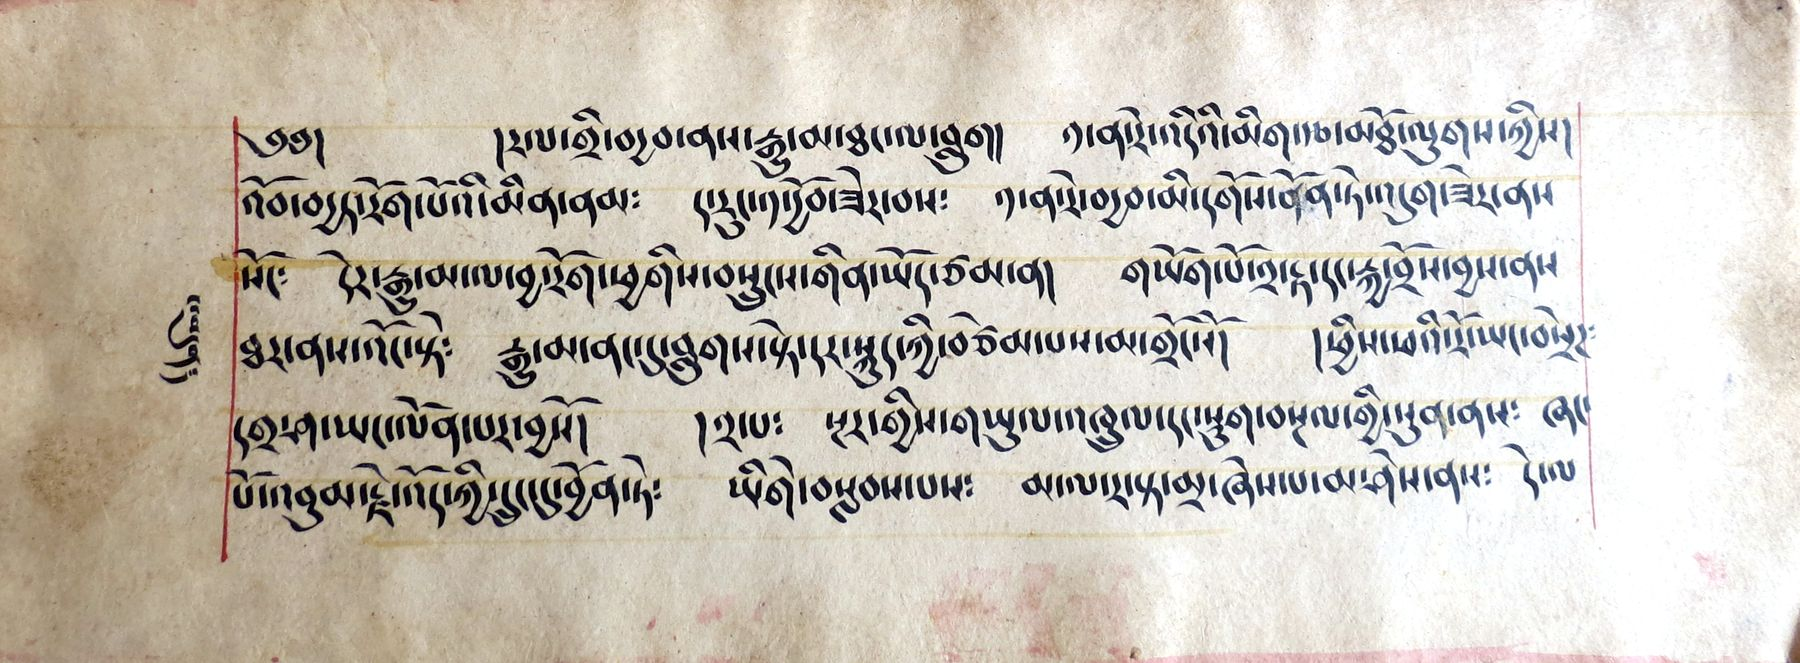རལ་གྲི་བརྒྱབས་ནས་རྒྱུ་མ་ཐང་ལ་བླུག{བསླུགས} ཅིག་ན་རེ་འདིའི་མིག་རྩ་མཐོ་ལུགས་ཀྱིས། 
འོ་བརྒྱད་རོག་པོའི་༼བུ་༽མ་ཡིན་ནམ། ད་རུང་གཅིག་རྒྱོབས་ཟེར་བས། གཅིག་ན་རེ་བརྒྱབ་མི་དགོས་ནོན་ནས་འདུག་ཟེར་ནས་
སོང་ངོ་། །དེར་རྒྱུ་མ་ལ་བྱ་རོག་ཕྱག་གིས་བསྲུངས་གིན་ཡོད་ཙམ་ན། གཡོག་པོ་གཉིས་རྟ་དང་རྐྱ་བྲོས་བྱས་ནས་
ཐར་ནས་འོང་སྟེ། རྒྱུ་མ་ནང་དུ་བླུགས་ཏེ་དར་སྐུད་ཀྱིས་བཙེམ་པས་མ་གྲོངས་སོ། །ཕྱིས་ཕའི་རོ་ཡང་བསྲེགས། 
དགྲ་ཤ་ཡང་ལོན་པར་བྱས་སོ། །གཉིས་པ་སྔར་གྱི་གཡུལ་འཁྲུག་དང་སྡུག་བསྔལ་གྱིས་སུན་ནས། ཞང་
པོ་འབུམ་རྗེ་འོད་ཀྱི་དྲུང་དུ་བྱོན་ནས་ཡི་གེ་བསླབས་པས། མ་ལ་ར་སྟ་སྨྲ་བྱ་བ་མ་ཤེས་ནས། དེ་ལ་